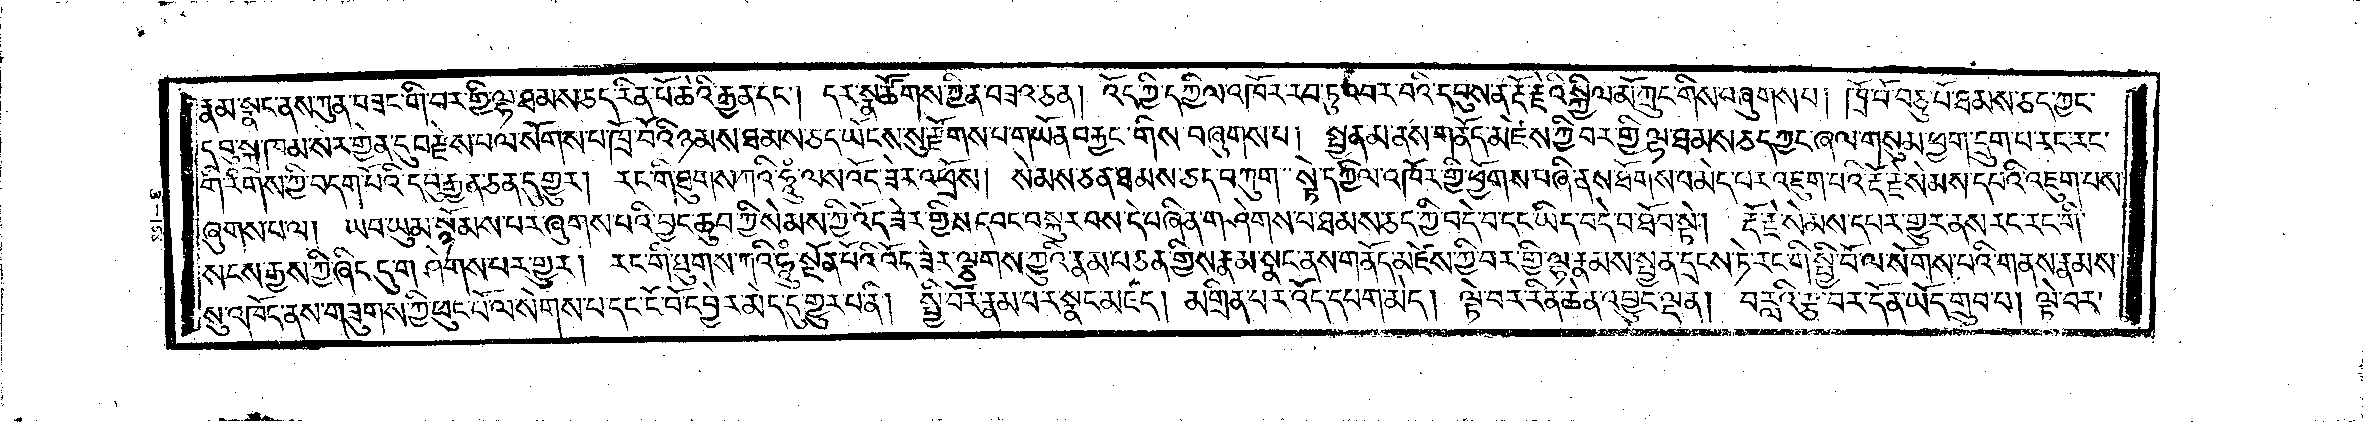རྣམ་སྣང་ནས་ཀུན་བཟང་གི་བར་གྱི་ལྷ་ཐམས་ཅད་རིན་པོ་ཆེའི་རྒྱན་དང་། དར་སྣ་ཚོགས་ཀྱི་ན་བཟའ་ཅན། འོད་ཀྱི་དཀྱིལ་འཁོར་རབ་ཏུ་འབར་བའི་དབུས་ན་རྡོ་རྗེའི་སྐྱིལ་མོ་ཀྲུང་གིས་བཞུགས་པ། ཁྲོ་བོ་བཅུ་པོ་ཐམས་ཅད་ཀྱང་
དབུ་སྐྲ་ཁམ་སེར་གྱེན་དུ་བརྫེས་པ་ལ་སོགས་པ་ཁྲོ་བོའི་ཉམས་ཐམས་ཅད་ཡོངས་སུ་རྫོགས་པ་གཡོན་བརྐྱང་གིས་བཞུགས་པ། སྤྱན་མ་ནས་གནོད་མཛེས་ཀྱི་བར་གྱི་ལྷ་ཐམས་ཅད་ཀྱང་ཞལ་གསུམ་ཕྱག་དྲུག་པ་རང་རང་
གི་རིགས་ཀྱི་བདག་པོའི་དབུ་རྒྱན་ཅན་དུ་གྱུར། རང་གི་ཐུགས་ཀའི་ཧཱུཾ་ལས་འོད་ཟེར་འཕྲོས། སེམས་ཅན་ཐམས་ཅད་བཀུག་སྟེ་དཀྱིལ་འཁོར་གྱི་ཕྱོགས་བཞི་ནས་ཐོགས་པ་མེད་པར་འཇུག་པའི་རྡོ་རྗེ་སེམས་དཔའི་འཇུག་པས་
ཞུགས་པ་ལ། ཡབ་ཡུམ་སྙོམས་པར་ཞུགས་པའི་བྱང་ཆུབ་ཀྱི་སེམས་ཀྱི་འོད་ཟེར་གྱིས་དབང་བསྐུར་བས་དེ་བཞིན་གཤེགས་པ་ཐམས་ཅད་ཀྱི་བདེ་བ་དང་ཡིད་བདེ་བ་ཐོབ་སྟེ། རྡོ་རྗེ་སེམས་དཔར་གྱུར་ནས་རང་རང་གི་
སངས་རྒྱས་ཀྱི་ཞིང་དུ་གཤེགས་པར་གྱུར། རང་གི་ཐུགས་ཀའི་ཧཱུཾ་སྔོན་པོའི་འོད་ཟེར་ལྕགས་ཀྱུའི་རྣམ་པ་ཅན་གྱིས་རྣམ་སྣང་ནས་གནོད་མཛེས་ཀྱི་བར་གྱི་ལྷ་རྣམས་སྤྱན་དྲངས་ཏེ་རང་གི་སྤྱི་བོ་ལ་སོགས་པའི་གནས་རྣམས་
སུ་འཁོད་ནས་གཟུགས་ཀྱི་ཕུང་པོ་ལ་སོགས་པ་དང་ངོ་བོ་དབྱེར་མེད་དུ་གྱུར་པ་ནི། སྤྱི་བོར་རྣམ་པར་སྣང་མཛད། མགྲིན་པར་འོད་དཔག་མེད། ལྟེ་བར་རིན་ཆེན་འབྱུང་ལྡན། བརླའི་རྩ་བར་དོན་ཡོད་གྲུབ་པ། ལྟེ་བར་